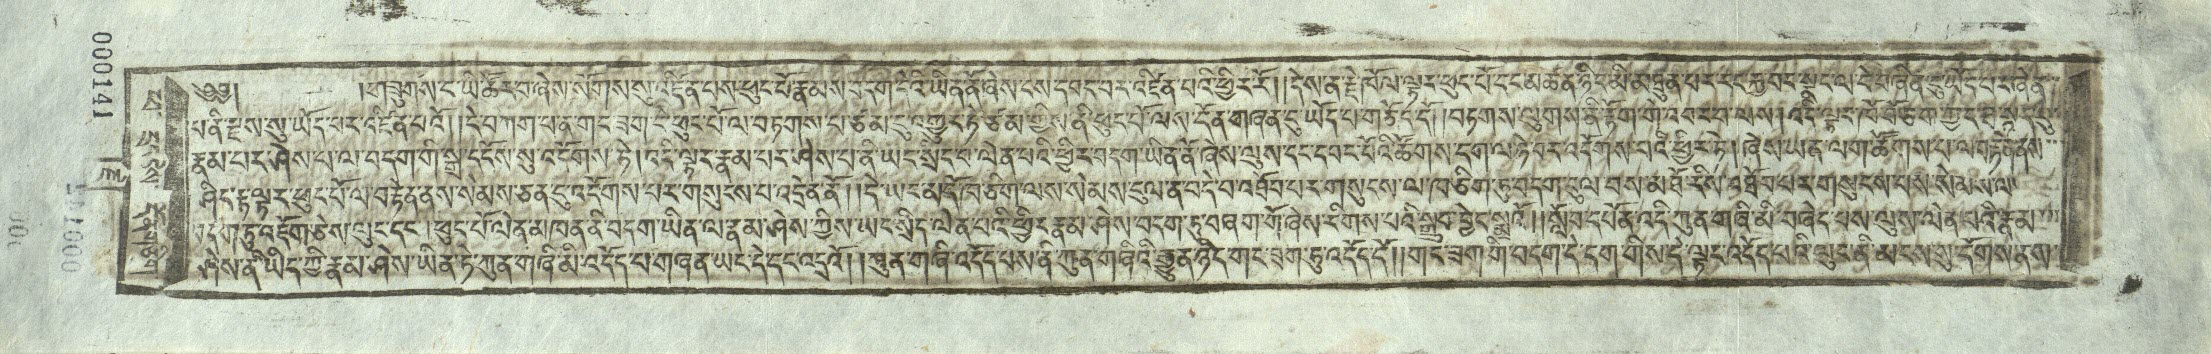༄༅། །གཟུགས་ང་ཡི་ཚོར་བ་ཞེས་སོགས་སུ་འཛིན་པས་ཕུང་པོ་རྣམས་བདག་དེའི་ཡིན་ནོ་ཞེས་ངས་དབང་བར་འཛིན་པའི་ཕྱིར་རོ། །དེས་ན་རྗེ་ཁོལ་ལྟར་ཕུང་པོ་དང་མཚན་ཉིད་མི་མཐུན་པར་རང་རྐྱ་བར་སྣང་ལ་དེ་བཞིན་དུ་ཡོད་པར་ཞེན་
པ་ནི་རྫས་སུ་ཡོད་པར་འཛིན་པའོ། །དེ་བཀག་པ་ན་གང་ཟག་དེ་ཕུང་པོ་ལ་བཏགས་པ་ཙམ་དུ་འགྱུར་ཏེ་ཙམ་གྱིས་ནི་ཕུང་པོ་ལས་དོན་གཞན་དུ་ཡོད་པ་གཅོད་དོ། །བཏགས་ལུགས་ནི་རྟོག་གེ་འབར་བ་ལས། འདི་ལྟར་ཁོ་བོ་ཅག་ཀྱང་ཐ་སྙད་དུ་
རྣམ་པར་ཤེས་པ་ལ་བདག་གི་སྒྲ་དངོས་སུ་འདོགས་ཏེ། འདི་ལྟར་རྣམ་པར་ཤེས་པ་ནི་ཡང་སྲིད་པ་ལེན་པའི་ཕྱིར་བདག་ཡིན་ནོ་ཞེས་ལུས་དང་དབང་པོའི་ཚོགས་དག་ལ་ཉེ་བར་འདོགས་པའི་ཕྱིར་ཏེ། ཞེས་ཡན་ལག་ཚོགས་པ་ལ་བརྟེན་ནས་
ཤིང་རྟ་ལྟར་ཕུང་པོ་ལ་བརྟེན་ནས་སེམས་ཅན་དུ་འདོགས་པར་གསུངས་པ་འདྲེན་ནོ། །དེ་ཡང་མདོ་ཁ་ཅིག་ལས་སེམས་དུལ་ན་བདེ་བ་འཐོབ་པར་གསུངས་ལ་ཁ་ཅིག་ཏུ་བདག་དུལ་བས་མཐོ་རིས་འཐོབ་པར་གསུངས་པས་སེམས་ལ་
བདག་ཏུ་འཇོག་ཅེས་ལུང་དང་། ཕུང་པོ་ལེན་མཁན་ནི་བདག་ཡིན་ལ་རྣམ་ཤེས་ཀྱིས་ཡང་སྲིད་ལེན་པའི་ཕྱིར་རྣམ་ཤེས་བདག་ཏུ་བཞག་གོ་ཞེས་རིགས་པའི་སྒྲུབ་བྱེད་སྨྲའོ། །སློབ་དཔོན་འདི་ཀུན་གཞི་མི་བཞེད་པས་ལུས་ལེན་པའི་རྣམ་
ཤེས་ནི་ཡིད་ཀྱི་རྣམ་ཤེས་ཡིན་ཏེ་ཀུན་གཞི་མི་འདོད་པ་གཞན་ཡང་དེ་དང་འདྲའོ། །ཀུན་གཞི་འདོད་པས་ནི་ཀུན་གཞིའི་རྒྱུན་ཉིད་གང་ཟག་ཏུ་འདོད་དོ། །གང་ཟག་གི་བདག་དེ་དག་གིས་དེ་ལྟར་འདོད་པའི་ལུང་ནི་མངས་སུ་དོགས་ནས་